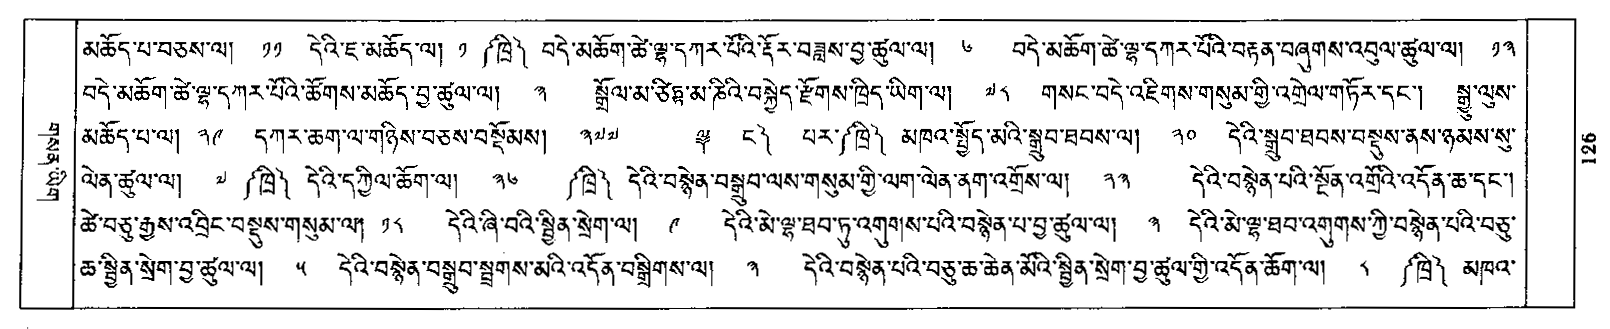མཆོད་པ་བཅས་ལ། ༡༡་དེའི་ཇ་མཆོད་ལ། ༡་ཁྲ྄ི་བདེ་མཆོག་ཚེ་ལྷ་དཀར་པོའི་རྡོར་བཟླས་བྱ་ཚུལ་ལ། ༦་བདེ་མཆོག་ཚེ་ལྷ་དཀར་པོའི་བརྟན་བཞུགས་འབུལ་ཚུལ་ལ། ༡༣
བདེ་མཆོག་ཚེ་ལྷ་དཀར་པོའི་ཚོགས་མཆོད་བྱ་ཚུལ་ལ། ༣་སྒྲོལ་མ་ཙིཏྟ་མ་ཎིའི་བསྐྱེད་རྫོགས་ཁྲིད་ཡིག་ལ། ༧༨་གསང་བདེ་འཇིགས་གསུམ་གྱི་འགྲེལ་གཏོར་དང་། སྒྱུ་ལུས་
མཆོད་པ་ལ། ༢༩་དཀར་ཆག་ལ་གཉིས་བཅས་བསྡོམས། ༣༧༧་༈ ང྄་པར་ཁྲ྄ི་མཁའ་སྤྱོད་མའི་སྒྲུབ་ཐབས་ལ། ༢༠་དེའི་སྒྲུབ་ཐབས་བསྡུས་ནས་ཉམས་སུ་
ལེན་ཚུལ་ལ། ༧ ༼ཁྲ྄ི་དེའི་དཀྱིལ་ཆོག་ལ། ༣༦་༽ཁྲ྄ི་དེའི་བསྙེན་བསྒྲུབ་ལས་གསུམ་གྱི་ལག་ལེན་ནག་འགྲོས་ལ། ༢༣་དེའི་བསྙེན་པའི་སྔོན་འགྲོའི་འདོན་ཆ་དང་།
ཚེ་བཅུ་རྒྱས་འབྲིང་བསྡུས་གསུམ་ལ། ༡༨་དེའི་ཞི་བའི་སྦྱིན་སྲེག་ལ། ༩་དེའི་མེ་ལྷ་ཐབ་ཏུ་འགུགས་པའི་བསྙེན་པ་བྱ་ཚུལ་ལ། ༣་དེའི་མེ་ལྷ་ཐབ་འགུགས་ཀྱི་བསྙེན་པའི་བཅུ་
ཆ་སྦྱིན་སྲེག་བྱ་ཚུལ་ལ། ༥་དེའི་བསྙེན་བསྒྲུབ་སྦྲགས་མའི་འདོན་བསྒྲིགས་ལ། ༣་དེའི་བསྙེན་པའི་བཅུ་ཆ་ཆེན་མོའི་སྦྱིན་སྲེག་བྱ་ཚུལ་གྱི་འདོན་ཆོག་ལ། ༨་ཁྲ྄ི་མཁའ་